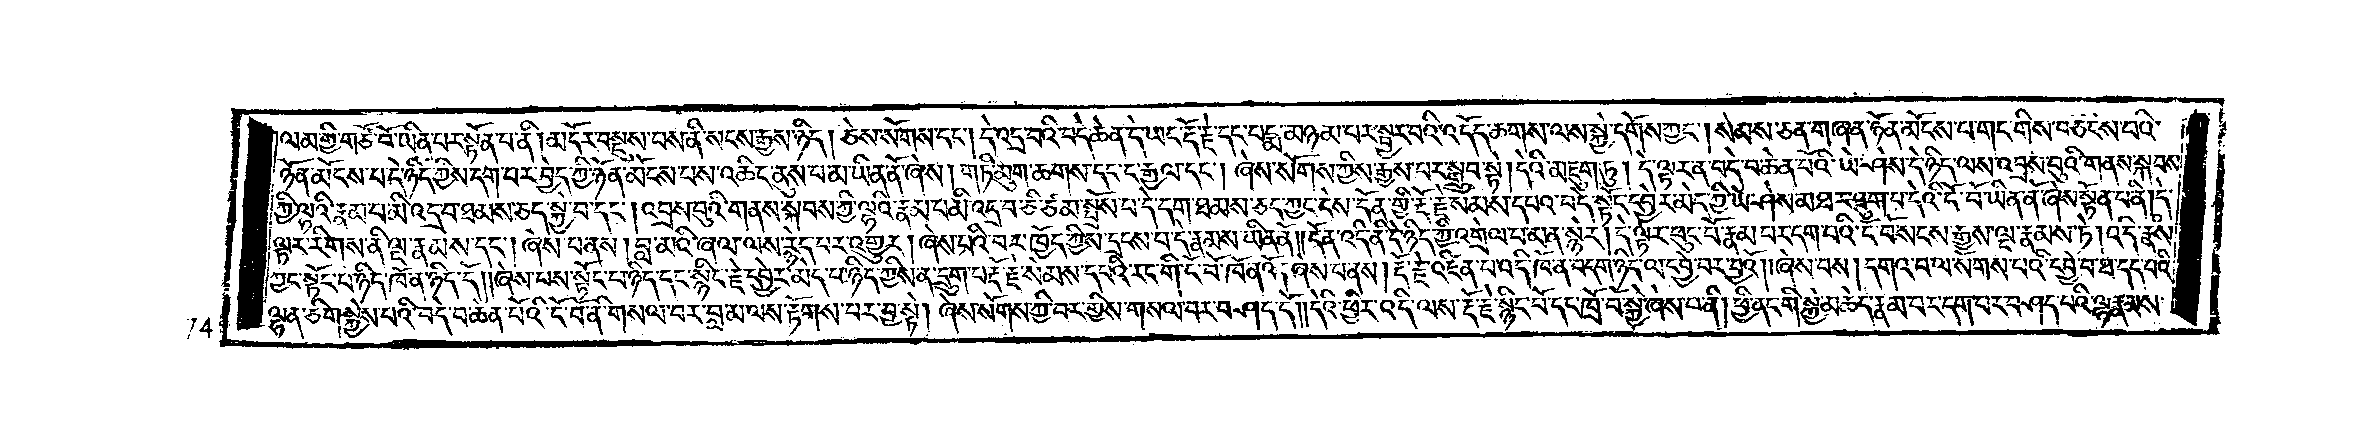ལམ་གྱི་གཙོ་བོ་ཡིན་པར་སྟོན་པ་ནི། མདོར་བསྡུས་པས་ནི་སངས་རྒྱས་ཉིད། ཅེས་སོགས་དང་། དེ་འདྲ་བའི་བདེ་ཆེན་དེ་ཡང་རྡོ་རྗེ་དང་པདྨ་མཉམ་པར་སྦྱར་བའི་འདོད་ཆགས་ལས་སྐྱེ་དགོས་ཀྱང་། སེམས་ཅན་གཞན་ཉོན་མོངས་པ་གང་གིས་བཅིངས་པའི་
ཉོན་མོངས་པ་དེ་ཉིད་ཀྱིས་དག་པར་བྱེད་ཀྱི་ཉོན་མོངས་པས་འཆིང་ནུས་པ་མ་ཡིན་ནོ་ཞེས། གཏི་མུག་ཆགས་དང་ང་རྒྱལ་དང་། ཞེས་སོགས་ཀྱིས་རྒྱས་པར་སྒྲུབ་སྟེ། དེའི་མཇུག་ཏུ། དེ་ལྟར་ན་བདེ་བ་ཆེན་པོའི་ཡེ་ཤེས་དེ་ཉིད་ལས་འབྲས་བུའི་གནས་སྐབས་
ཀྱི་ལྷའི་རྣམ་པ་མི་འདྲ་བ་ཐམས་ཅད་སྐྱེ་བ་དང་། འབྲས་བུའི་གནས་སྐབས་ཀྱི་ལྷའི་རྣམ་པ་མི་འདྲ་བ་ཅི་ཙམ་སྤྲོས་པ་དེ་དག་ཐམས་ཅད་ཀྱང་ངེས་དོན་གྱི་རྡོ་རྗེ་སེམས་དཔའ་བདེ་སྟོང་དབྱེ་མེད་ཀྱི་ཡེ་ཤེས་མཐར་ཐུག་པ་དེའི་ངོ་བོ་ཡིན་ནོ་ཞེས་སྟོན་པ་ནི། དེ་
ལྟར་རིགས་ནི་ལྔ་རྣམས་དང་། ཞེས་པ་ནས། བླ་མའི་ཞལ་ལས་རྙེད་པར་འགྱུར། ཞེས་པའི་བར་ཁྱོད་ཀྱིས་དྲངས་པ་དེ་རྣམས་ཡིན་ནོ། །དོན་འདི་ནི་དེ་ཉིད་ཀྱི་འགྲེལ་བ་མན་སྙེར། དེ་ལྟར་ཕུང་པོ་རྣམ་པར་དག་པའི་ངོ་བོ་སངས་རྒྱས་ལྔ་རྣམས་ཏེ། འདི་རྣམས་
ཀྱང་སྟོང་པ་ཉིད་ཁོ་ན་ཉིད་དོ། །ཞེས་པས་སྟོང་པ་ཉིད་དང་སྙིང་རྗེ་དབྱེར་མེད་པ་ཉིད་ཀྱིས་ན་དྲུག་པ་རྡོ་རྗེ་སེམས་དཔའི་རང་གི་ངོ་བོ་ཁོ་ནའོ། །ཞེས་པ་ནས། རྡོ་རྗེ་འཛིན་པ་འདི་ཁོ་ན་བདག་ཉིད་ལ་དབྱེ་བར་བྱའོ། །ཞེས་པས། དགའ་བ་ལ་སོགས་པའི་དབྱེ་བ་ཐ་དད་པའི་
ལྷན་ཅིག་སྐྱེས་པའི་བདེ་བ་ཆེན་པོའི་ངོ་བོ་ནི་གསལ་བར་བླ་མ་ལས་རྟོགས་པར་བྱ་སྟེ། ཞེས་སོགས་ཀྱི་བར་གྱིས་གསལ་བར་བཤད་དོ། །དེའི་ཕྱིར་འདི་ལས་རྡོ་རྗེ་སྙིང་པོ་དང་ཁྲོ་བོ་སྐྱེ་ཞེས་པ་ནི། ཕྱི་ནང་གི་སྐྱེ་མཆེད་རྣམ་པར་དག་པར་བཤད་པའི་ལྷ་རྣམས་